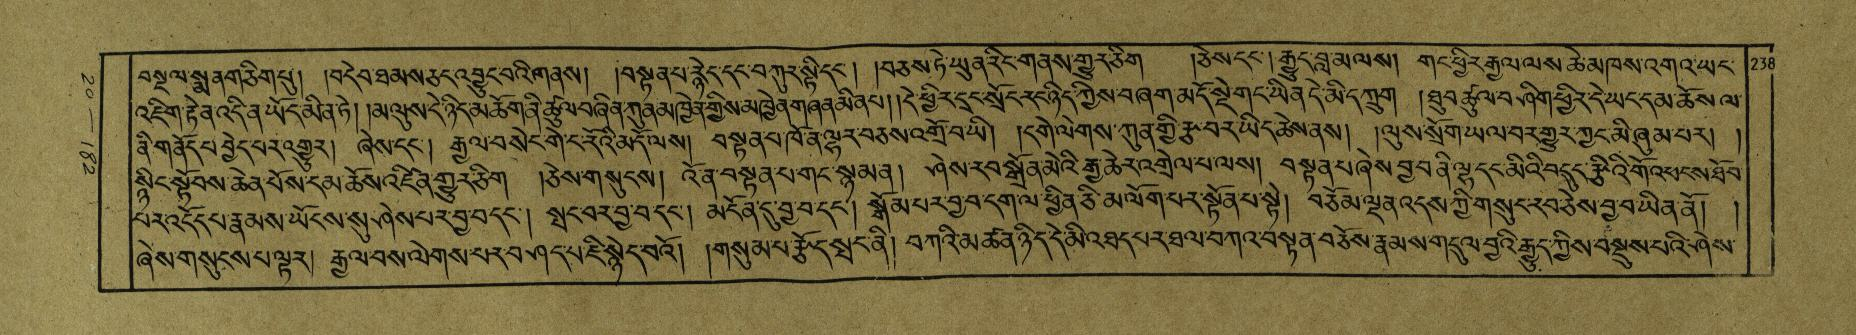བསྔལ་སྨན་གཅིག་པུ། །བདེ་བ་ཐམས་ཅད་འབྱུང་བའི་གནས། །བསྟན་པ་རྙེད་དང་བཀུར་སྟི་དང་། །བཅས་ཏེ་ཡུན་རིང་གནས་གྱུར་ཅིག །ཅེས་དང་། རྒྱུད་བླ་མ་ལས། གང་ཕྱིར་རྒྱལ་ལས་ཆེ་མཁས་འགའ་ཡང་
འཇིག་རྟེན་འདི་ན་ཡོད་མིན་ཏེ། །མ་ལུས་དེ་ཉིད་མཆོག་ནི་ཚུལ་བཞིན་ཀུན་མཁྱེན་གྱིས་མཁྱེན་གཞན་མིན་པ། །དེ་ཕྱིར་དྲང་སྲོང་རང་ཉིད་ཀྱིས་བཞག་མདོ་སྡེ་གང་ཡིན་དེ་མི་དཀྲུག །ཐུབ་ཚུལ་བཤིག་ཕྱིར་དེ་ཡང་དམ་ཆོས་ལ་
ནི་གནོད་པ་བྱེད་པར་འགྱུར། །ཞེས་དང་། རྒྱལ་བ་སེང་གེ་ང་རོའི་མདོ་ལས། བསྟན་པ་ཁོ་ན་ལྷར་བཅས་འགྲོ་བ་ཡི། །དགེ་ལེགས་ཀུན་གྱི་རྩ་བར་ཡིད་ཆེས་ནས། །ལུས་སྲོག་ཡལ་བར་གྱུར་ཀྱང་མི་ཞུམ་པར། །
སྙིང་སྟོབས་ཆེན་པོས་དམ་ཆོས་འཛིན་གྱུར་ཅིག །ཅེས་གསུངས། འོ་ན་བསྟན་པ་གང་སྙམ་ན། ཤེས་རབ་སྒྲོན་མེའི་རྒྱ་ཆེར་འགྲེལ་པ་ལས། བསྟན་པ་ཞེས་བྱ་བ་ནི་ལྷ་དང་མིའི་བདུད་རྩིའི་གོ་འཕངས་ཐོབ་
པར་འདོད་པ་རྣམས་ཡོངས་སུ་ཤེས་པར་བྱ་བ་དང་། སྤང་བར་བྱ་བ་དང་། མངོན་དུ་བྱ་བ་དང་། སྒོམ་པར་བྱ་བ་དག་ལ་ཕྱིན་ཅི་མ་ལོག་པར་སྟོན་པ་སྟེ། བཅོམ་ལྡན་འདས་ཀྱི་གསུང་རབ་ཅེས་བྱ་བ་ཡིན་ནོ། །
ཞེས་གསུངས་པ་ལྟར། རྒྱལ་བས་ལེགས་པར་བཤད་པ་ཇི་སྙེད་པའོ། །གསུམ་པ་རྩོད་སྤང་ནི། བཀའི་མཚན་ཉིད་དེ་མི་འཐད་པར་ཐལ་བཀའ་བསྟན་བཅོས་རྣམས་གདུལ་བྱའི་རྒྱུད་ཀྱིས་བསྡུས་པའི་ཤེས་